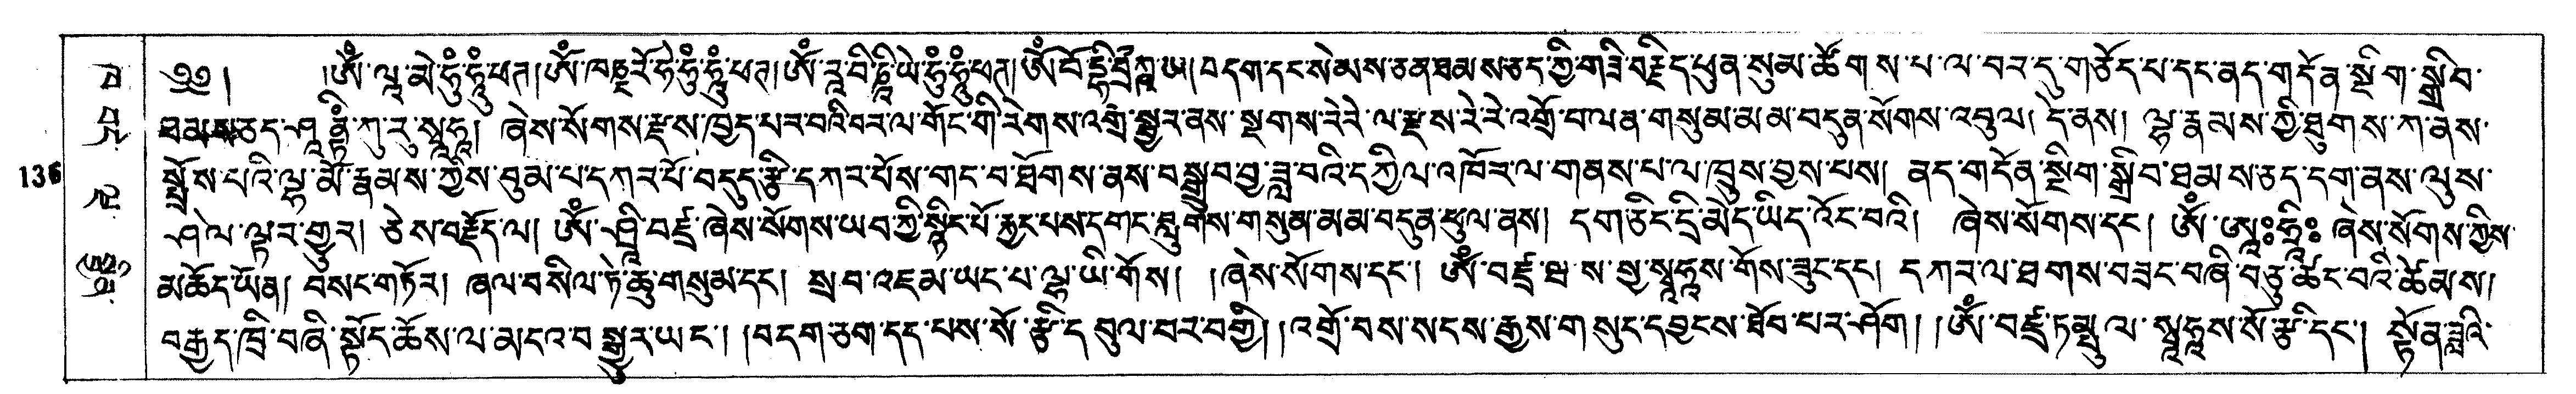༄༅། །ཨོཾ་ལཱ་མེ་ཧུཾ་ཧཱུཾ་ཕཊ། ཨོཾ་ཁཎྔ་རོ་ཧེ་ཧུཾ་ཧཱུཾ་ཕཊ། ཨོཾ་རཱ་བི་ཎཱི་ཡེ་ཧུཾ་ཧཱུཾ་ཕཊ། ཨོཾ་བོ་དྷི་བྲྀ་ཀྵ་ཡ། བདག་དང་སེམས་ཅན་ཐམས་ཅད་ཀྱི་གཟི་བརྗིད་ཕུན་སུམ་ཚོགས་པ་ལ་བར་དུ་གཅོད་པ་དང་ནད་གདོན་སྡིག་སྒྲིབ་
ཐམས་ཅད་ཤཱནྟིཾ་ཀུ་རུ་སྭཱཧཱ། ཞེས་སོགས་རྫས་ཁྱད་པར་བའི་བར་ལ་གོང་གི་རེགས་འགྲོ་སྦྱར་ནས་སྔགས་རེ་རེ་ལ་རྫས་རེ་རེ་འགྲོ་བ་ལན་གསུམ་མམ་བདུན་སོགས་འབུལ། དེ་ནས། ལྷ་རྣམས་ཀྱི་ཐུགས་ཀ་ནས་
སྤྲོས་པའི་ལྷ་མོ་རྣམས་ཀྱིས་བུམ་པ་དཀར་པོ་བདུད་རྩི་དཀར་པོས་གང་བ་ཐོགས་ནས་བསྒྲུབ་བྱ་ཟླ་བའི་དཀྱིལ་འཁོར་ལ་གནས་པ་ལ་ཁྲུས་བྱས་པས། ནད་གདོན་སྡིག་སྒྲིབ་ཐམས་ཅད་དག་ནས་ལུས་
ཤེལ་ལྟར་གྱུར། ཅེས་བརྗོད་ལ། ཨོཾ་ཤྲཱི་བཛྲ་ཞེས་སོགས་ཡབ་ཀྱི་སྙིང་པོ་རྐྱང་པས་དགང་བླུགས་གསུམ་མམ་བདུན་ཕུལ་ནས། དག་ཅིང་དྲི་མེད་ཡིད་འོང་བའི། ཞེས་སོགས་དང་། ཨོཾ་ཨཱཿ ཧྲཱིཿ ཞེས་སོགས་ཀྱིས་
མཆོད་ཡོན། བསང་གཏོར། ཞལ་བསིལ་ཏེ་ཆུ་གསུམ་དང་། སྲབ་འཇམ་ཡང་པ་ལྷ་ཡི་གོས། །ཞེས་སོགས་དང་། ཨོཾ་བཛྲ་ཝ་ས་སྱ་སྭཱ་ཧཱས་གོས་ཟུང་དང་། དཀར་ལ་ཐགས་བཟང་བཞི་བཅུ་ཚང་བའི་ཚེམས།
བརྒྱད་ཁྲི་བཞི་སྟོང་ཆོས་ལ་མངའ་བསྒྱུར་ཡང་། །བདག་ཅག་དད་པས་སོ་རྩི་དབུལ་བར་བགྱི། །འགྲོ་བས་སངས་རྒྱས་གསུང་དབྱངས་ཐོབ་པར་ཤོག། །ཨོཾ་བཛྲ་ཏམྤུལ་སྭཱཧཱས་སོ་རྩི་དང་། སྟོན་ཟླའི་